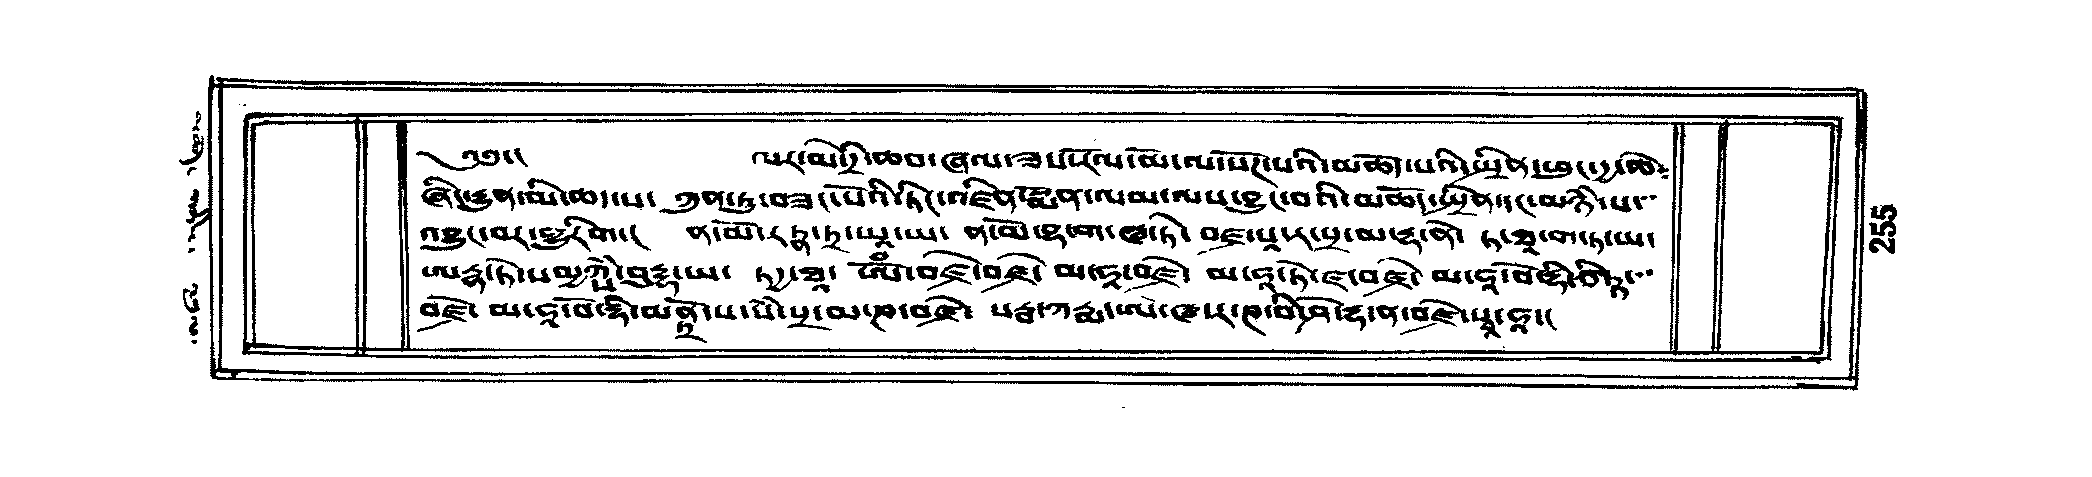མར་མེ་དྲི་ཆབ་ཞལ་ཟས་རོལ་མོ་ལ་སོགས་པའི་མཆོད་པའིལལསྤྲིན་ཕུང་རྒྱ་ཆེ་
ཞིང་རྒྱུན་མི་ཆད་པ། ཀུན་ཏུ་བཟང་པོའི་ཏིང་འཛིན་སྨོན་ལམ་ལས་བྱུང་བའི་མཆོད་སྤྲིན་དང་མཉམ་པ་
འབྱུང་བར་གྱུར་ཅིག་ན་མོ་རཏྣ་ཏྲ་ཡཱ་ཡ། ན་མོ་བྷ་ག་ཝ་ཏེ། བཛྲ་སཱ་ར་པྲ་མ་དྷ་ནེ། ཏ་ཐཱ་ག་ཏ་ཡ་
ཨརྷ་ཏེ་སམྱཀྶཾ་བུདྡྷ་ཡ། ཏདྱ་ཐཱ། ཨོྃ་བཛྲེ་བཛྲེ། མ་ཧཱ་བཛྲེ། མ་ཧཱ་ཏེ་ཛ་བཛྲེ། མ་ཧཱ་བོ་དྷི་ཙིཏྟ་
བཛྲེ་། མ་ཧཱ་བོ་དྷི་མནྟྲོ་པ་སཾ་པྲ་མ་ཎ་བཛྲེ། སརྦ་ཀརྨ་ཨ་ཝ་ར་ཎ་བི་ཤོ་དྷ་ན་བཛྲེ་སྭཱ་ཧཱ།